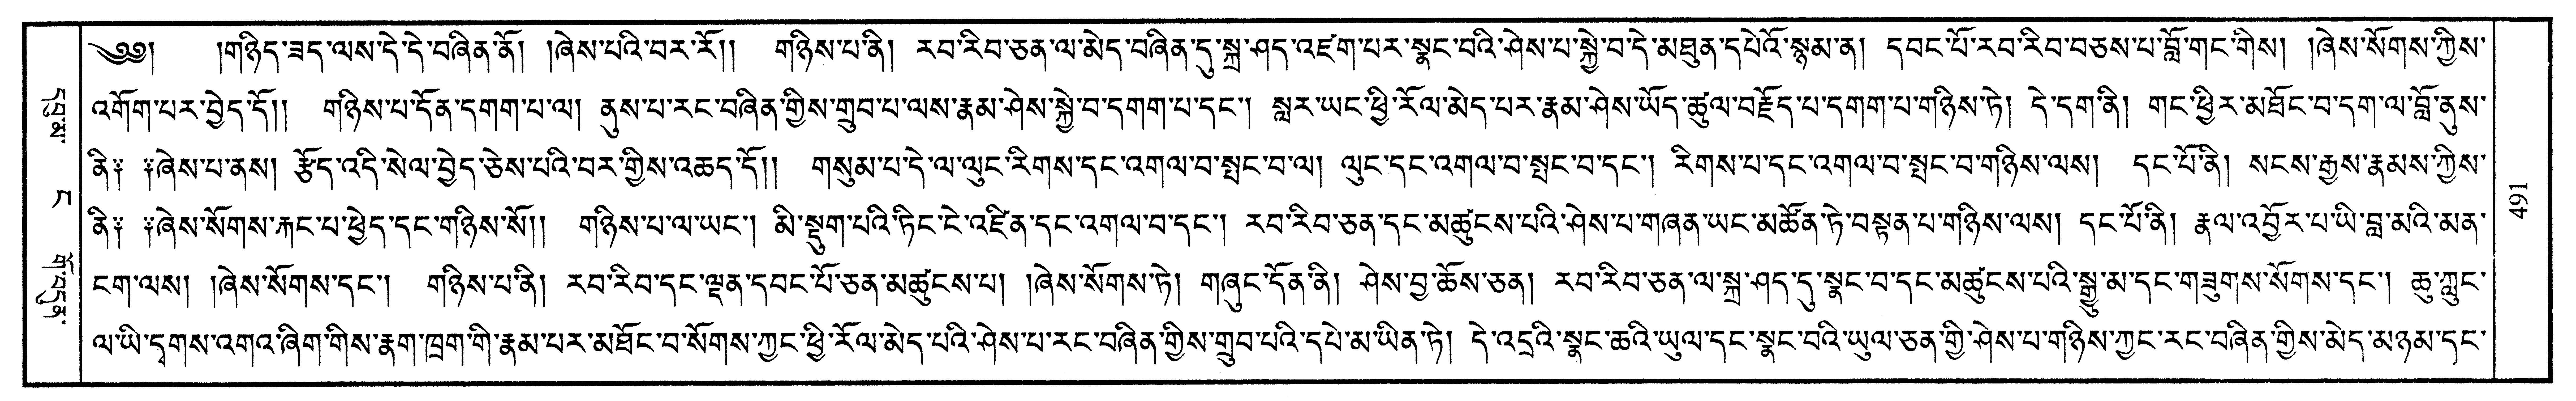༄༅། །གཉིད་ཟད་ལས་དེ་དེ་བཞིན་ནོ། །ཞེས་པའི་བར་རོ།། གཉིས་པ་ནི། རབ་རིབ་ཅན་ལ་མེད་བཞིན་དུ་སྐྲ་ཤད་འཛག་པར་སྣང་བའི་ཤེས་པ་སྐྱེ་བ་དེ་མཐུན་དཔེའོ་སྙམ་ན། དབང་པོ་རབ་རིབ་བཅས་པ་བློ་གང་གིས། །ཞེས་སོགས་ཀྱིས་
འགོག་པར་བྱེད་དོ།། གཉིས་པ་དོན་དགག་པ་ལ། ནུས་པ་རང་བཞིན་གྱིས་གྲུབ་པ་ལས་རྣམ་ཤེས་སྐྱེ་བ་དགག་པ་དང་། སླར་ཡང་ཕྱི་རོལ་མེད་པར་རྣམ་ཤེས་ཡོད་ཚུལ་བརྗོད་པ་དགག་པ་གཉིས་ཏེ། དེ་དག་ནི། གང་ཕྱིར་མཐོང་བ་དག་ལ་བློ་ནུས་
ནི། །ཞེས་པ་ནས། རྩོད་འདི་སེལ་བྱེད་ཅེས་པའི་བར་གྱིས་འཆད་དོ།། གསུམ་པ་དེ་ལ་ལུང་རིགས་དང་འགལ་བ་སྤང་བ་ལ། ལུང་དང་འགལ་བ་སྤང་བ་དང་། རིགས་པ་དང་འགལ་བ་སྤང་བ་གཉིས་ལས། དང་པོ་ནི། སངས་རྒྱས་རྣམས་ཀྱིས་
ནི། །ཞེས་སོགས་རྐང་པ་ཕྱེད་དང་གཉིས་སོ།། གཉིས་པ་ལ་ཡང་། མི་སྡུག་པའི་ཏིང་ངེ་འཛིན་དང་འགལ་བ་དང་། རབ་རིབ་ཅན་དང་མཚུངས་པའི་ཤེས་པ་གཞན་ཡང་མཚོན་ཏེ་བསྟན་པ་གཉིས་ལས། དང་པོ་ནི། རྣལ་འབྱོར་པ་ཡི་བླ་མའི་མན་
ངག་ལས། །ཞེས་སོགས་དང་། གཉིས་པ་ནི། རབ་རིབ་དང་ལྡན་དབང་པོ་ཅན་མཚུངས་པ། །ཞེས་སོགས་ཏེ། གཞུང་དོན་ནི། ཤེས་བྱ་ཆོས་ཅན། རབ་རིབ་ཅན་ལ་སྐྲ་ཤད་དུ་སྣང་བ་དང་མཚུངས་པའི་སྒྱུ་མ་དང་གཟུགས་སོགས་དང་། ཆུ་ཀླུང་
ལ་ཡི་དྭགས་འགའ་ཞིག་གིས་རྣག་ཁྲག་གི་རྣམ་པར་མཐོང་བ་སོགས་ཀྱང་ཕྱི་རོལ་མེད་པའི་ཤེས་པ་རང་བཞིན་གྱིས་གྲུབ་པའི་དཔེ་མ་ཡིན་ཏེ། དེ་འདྲའི་སྣང་ཆའི་ཡུལ་དང་སྣང་བའི་ཡུལ་ཅན་གྱི་ཤེས་པ་གཉིས་ཀྱང་རང་བཞིན་གྱིས་མེད་མཉམ་དང་